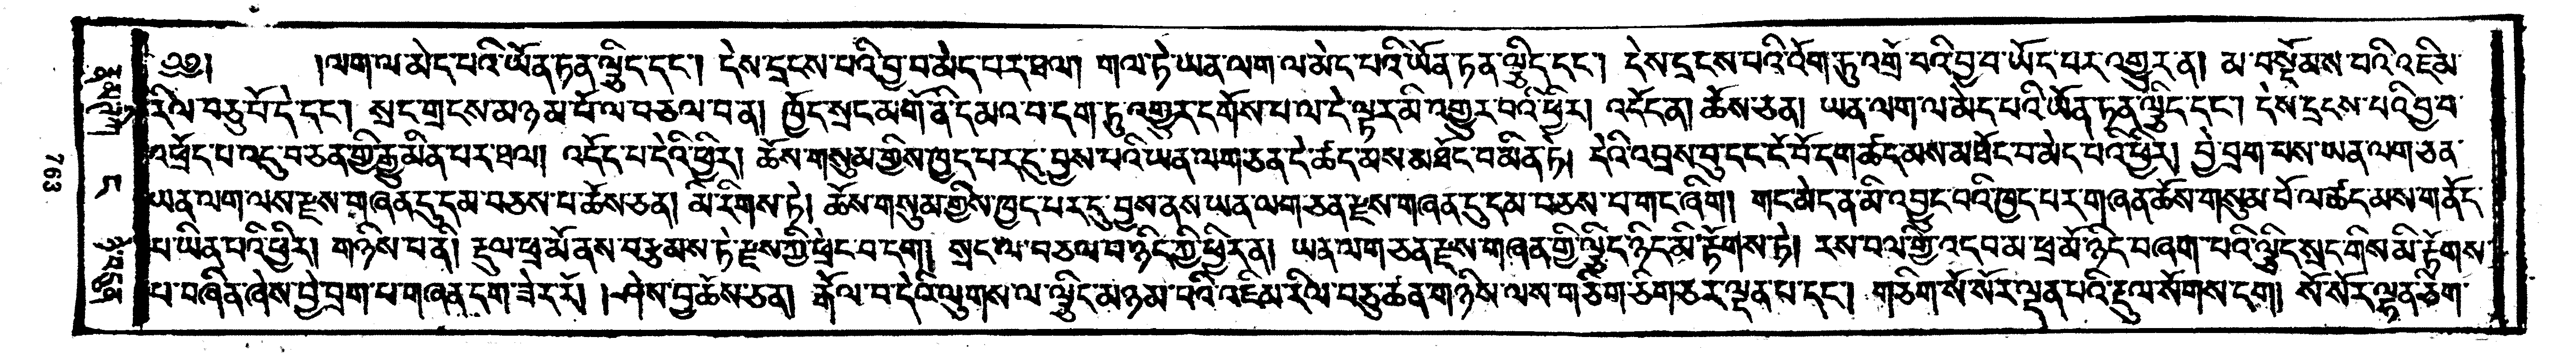༄༅། །ལག་ལ་མེད་པའི་ཡོན་ཏན་ལྕིད་དང་། དེས་དྲངས་པའི་བྱ་བ་མེད་པར་ཐལ། གལ་ཏེ་ཡན་ལག་ལ་མེད་པའི་ཡོན་ཏན་ལྕིད་དང་། དེས་དྲངས་པའི་འོག་ཏུ་འགྲོ་བའི་བྱ་བ་ཡོད་པར་འགྱུར་ན། མ་བསྡོམས་པའི་འཇིམ་
རིལ་བཅུ་པོ་དེ་དང་། སྲང་གྲངས་མཉམ་པོ་ལ་བཅལ་བ་ན། ཁྱོད་སྲང་མགོ་ནི་དམའ་བ་དག་ཏུ་འགྱུར་དགོས་པ་ལ་དེ་ལྟར་མི་འགྱུར་བའི་ཕྱིར། འདོད་ན། ཆོས་ཅན། ཡན་ལག་ལ་མེད་པའི་ཡོན་ཏན་ལྕིད་དང་། དེས་དྲངས་པའི་བྱ་བ་
འཕྲོད་པ་འདུ་བ་ཅན་གྱི་རྒྱུ་མིན་པར་ཐལ། འདོད་པ་དེའི་ཕྱིར། ཆོས་གསུམ་གྱིས་ཁྱད་པར་དུ་བྱས་པའི་ཡན་ལག་ཅན་དེ་ཚད་མས་མཐོང་བ་མིན་ཏེ། དེའི་འབྲས་བུ་དང་ངོ་བོ་དག་ཚད་མས་མཐོང་བ་མེད་པའི་ཕྱིར། བྱེ་བྲག་པས་ཡན་ལག་ཅན་
ཡན་ལག་ལས་རྫས་གཞན་དུ་དམ་བཅས་པ་ཆོས་ཅན། མི་རིགས་ཏེ། ཆོས་གསུམ་གྱིས་ཁྱད་པར་དུ་བྱས་ནས་ཡན་ལག་ཅན་རྫས་གཞན་དུ་དམ་བཅས་པ་གང་ཞིག། གང་མེད་ན་མི་འབྱུང་བའི་ཁྱད་པར་གཞན་ཆོས་གསུམ་པོ་ལ་ཚད་མས་གནོད་
པ་ཡིན་པའི་ཕྱིར། གཉིས་པ་ནི། རྡུལ་ཕྲ་མོ་ནས་བརྩམས་ཏེ་རྫས་ཀྱི་ཕྲེང་བ་དག། སྲང་ལ་བཅལ་བ་ཉིད་ཀྱི་ཕྱིར་ན། ཡན་ལག་ཅན་རྫས་གཞན་གྱི་ལྕིད་ཉིད་མི་རྟོགས་ཏེ། རས་བལ་གྱི་འདབ་མ་ཕྲ་མོ་ཉིད་བཞག་པའི་ལྕིད་སྲང་གིས་མི་རྟོགས་
པ་བཞིན་ཞེས་བྱེ་བྲག་པ་གཞན་དག་ཟེར་རོ། །ཤེས་བྱ་ཆོས་ཅན། རྒོལ་བ་དེའི་ལུགས་ལ་ལྕིད་མཉམ་པའི་འཇིམ་རིལ་བཅུ་ཚན་གཉིས་ལས་གཅིག་ཅིག་ཅར་ལྡན་པ་དང་། གཅིག་སོ་སོར་ལྡན་པའི་རྡུལ་སོགས་དག། སོ་སོར་ལྷན་ཅིག་